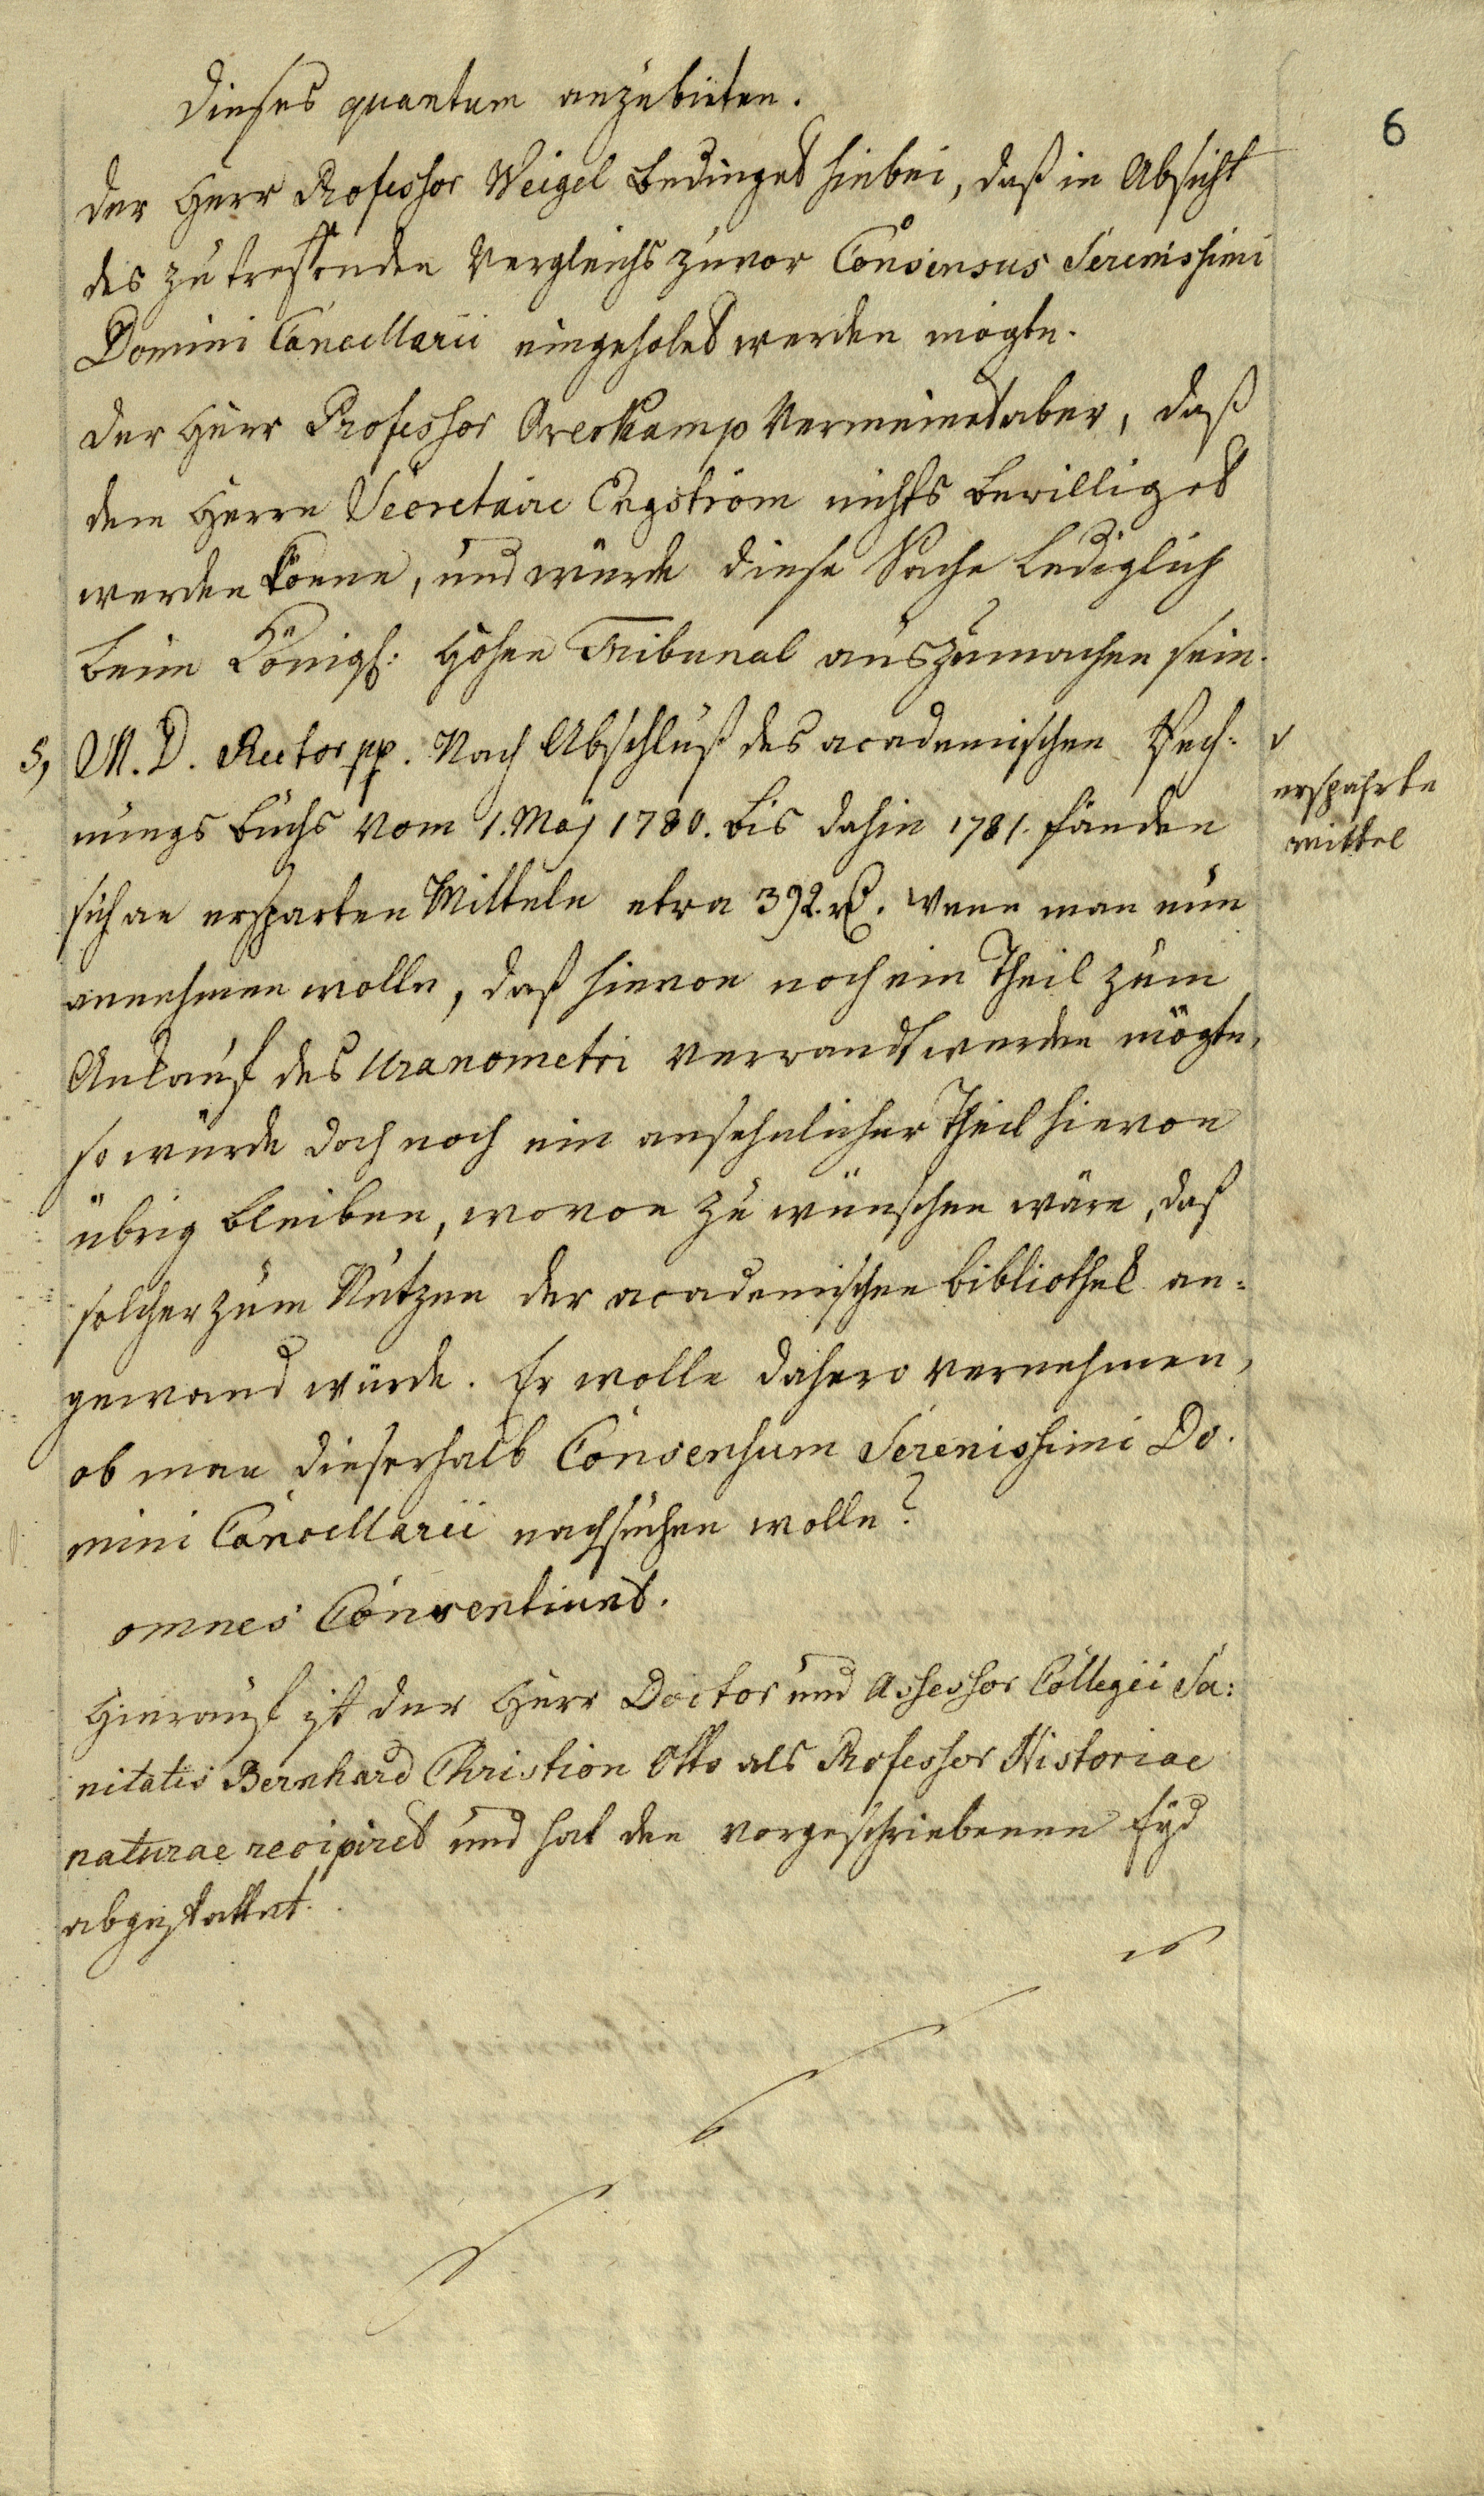dieses Quantum anzubieten.
Der Herr Professor Weigel bedinget hiebei, daß in Absicht
des zu treffenden Vergleichs zuvor Consensus Serenissimi
Domini Cancellarii eingeholet werden mögte.
Der Herr Professor Overkamp vermeinet aber, daß
dem Herrn Secretaire Engström nichts bewilliget
werden könne, und würde diese Sache lediglich
beim Königl: Hohen Tribunal auszumachen sein.
M. D. Rector pp. Nach Abschluß des academischen Rech¬
nungs Buchs vom 9. Maj 1780. bis dahin 1781 fänden
sich an ersparten Mitteln etwa 392. r. wenn man nun
annehmen wolle, daß hievon noch ein Theil zum
Ankauf des Uranometri verwandt werden mögte,
so würde doch noch ein ansehnlicher Theil hievon
übrig bleiben, wovon zu wünschen wäre, daß
solcher zum Nutzen der academischen Bibliothek an¬
gewand würde. Er wolle dahero vernehmen,
ob man dieserhalb Consensum Serenissimi Do¬
mini Cancellarii nachsuchen wolle?
omnes Consentiunt.
Hierauf ist der Herr Doctor und Assessor Collegii Sa¬
nitatis Bernhard Christian Otto als Professor Historiae
naturae recipiret und hat den vorgeschriebenen Eÿd
abgestattet.